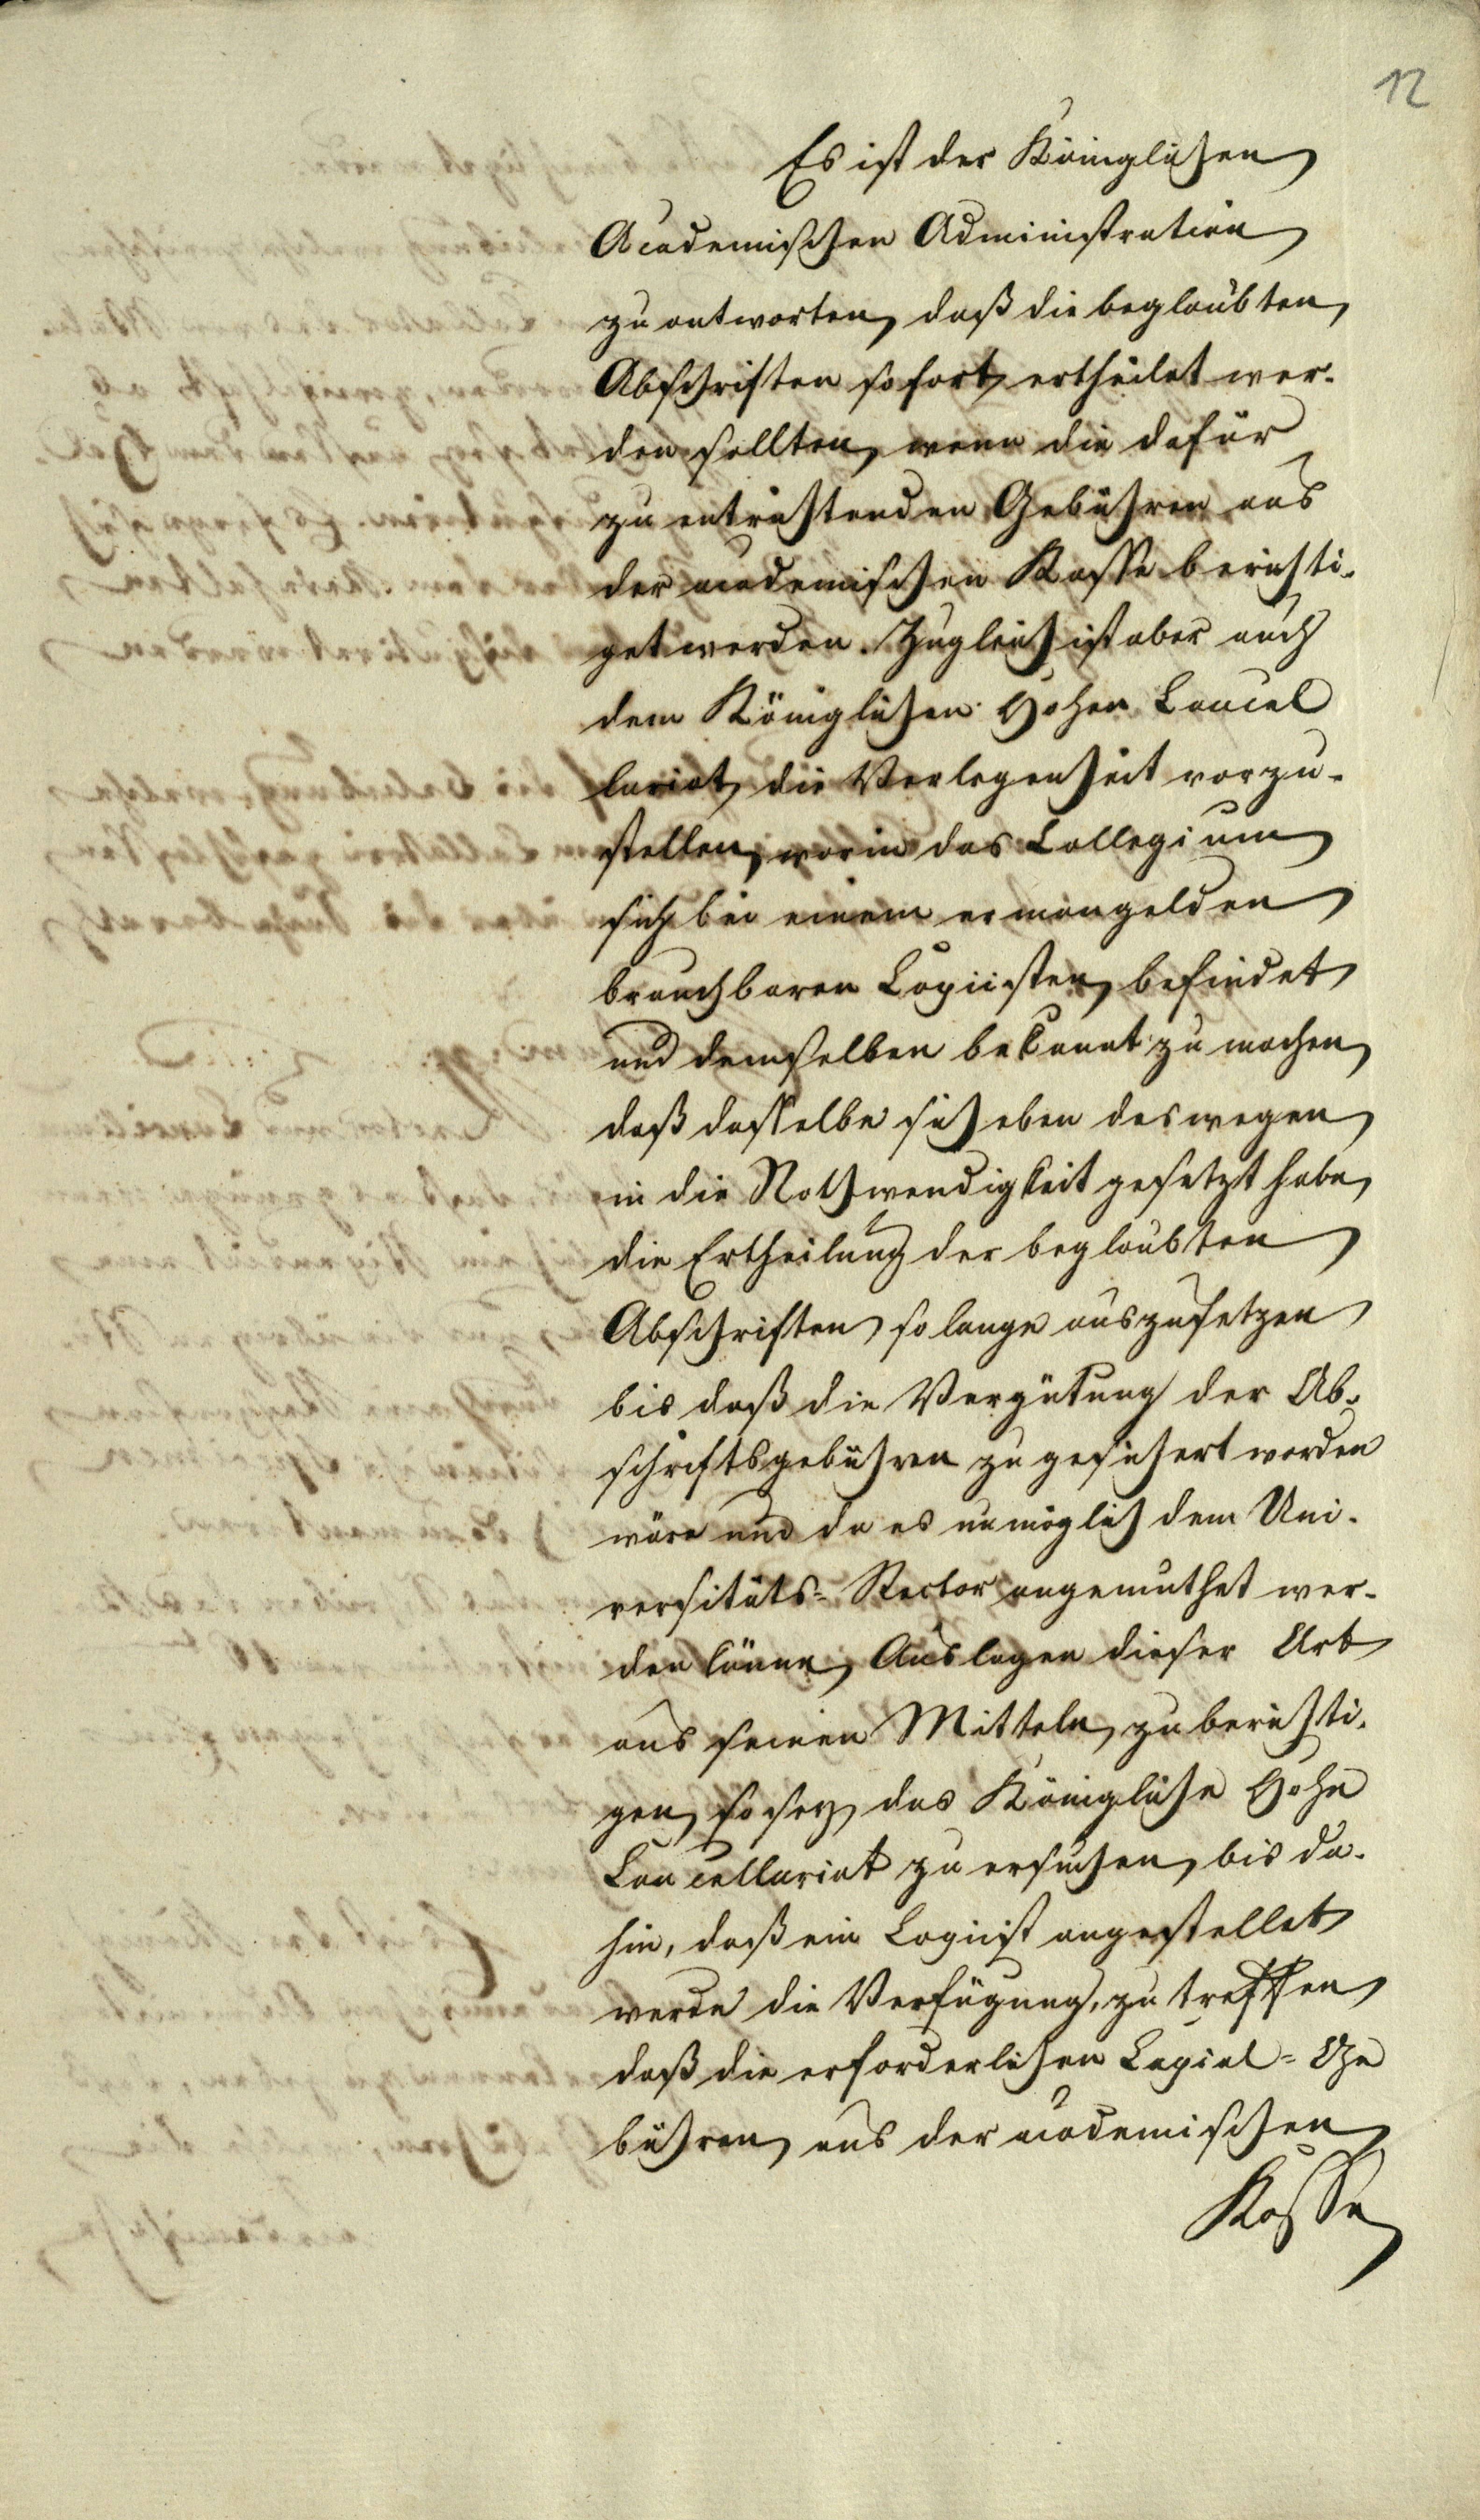Es ist der Königlichen
Academischen Administration
zu antworten, daß die beglaubten
Abschriften sofort ertheilet wer¬
den sollten wenn die dafür
zu entrichtenden Gebühren aus
der academischen Kasse berichti¬
get werden. Zugleich ist aber auch
dem Königlichen Hohen Cancel¬
lariat die Verlegenheit vorzu¬
stellen worin das Collegium
sich bei einen ermangelden
brauchbaren Copiisters befindet
und demselben bekannt zumachen
daß dasselbe sich eben des wegen
in die Nothwendigkeit gesetzt habe,
die Ertheilung der beglaubten
Abschriften, so lange auszusetzen
bis daß die Vergütung der Ab¬
schriftsgebühren zu gesichert worden
wäre und da es unmöglich dem Uni¬
versitäts- Rector angemuthet wer¬
der könne Auslagen dieser Art
aus seinen Mitteln zu berichti¬
gen so fey das Königliche Hohe
Cancellariat zu ersuchen bis da¬
hin,, daß ein Cogiist angestellet
werde die Verfügung, zu treffen
daß die erforderlichen Copial- Ge¬
bühren aus der academischen
Kasse